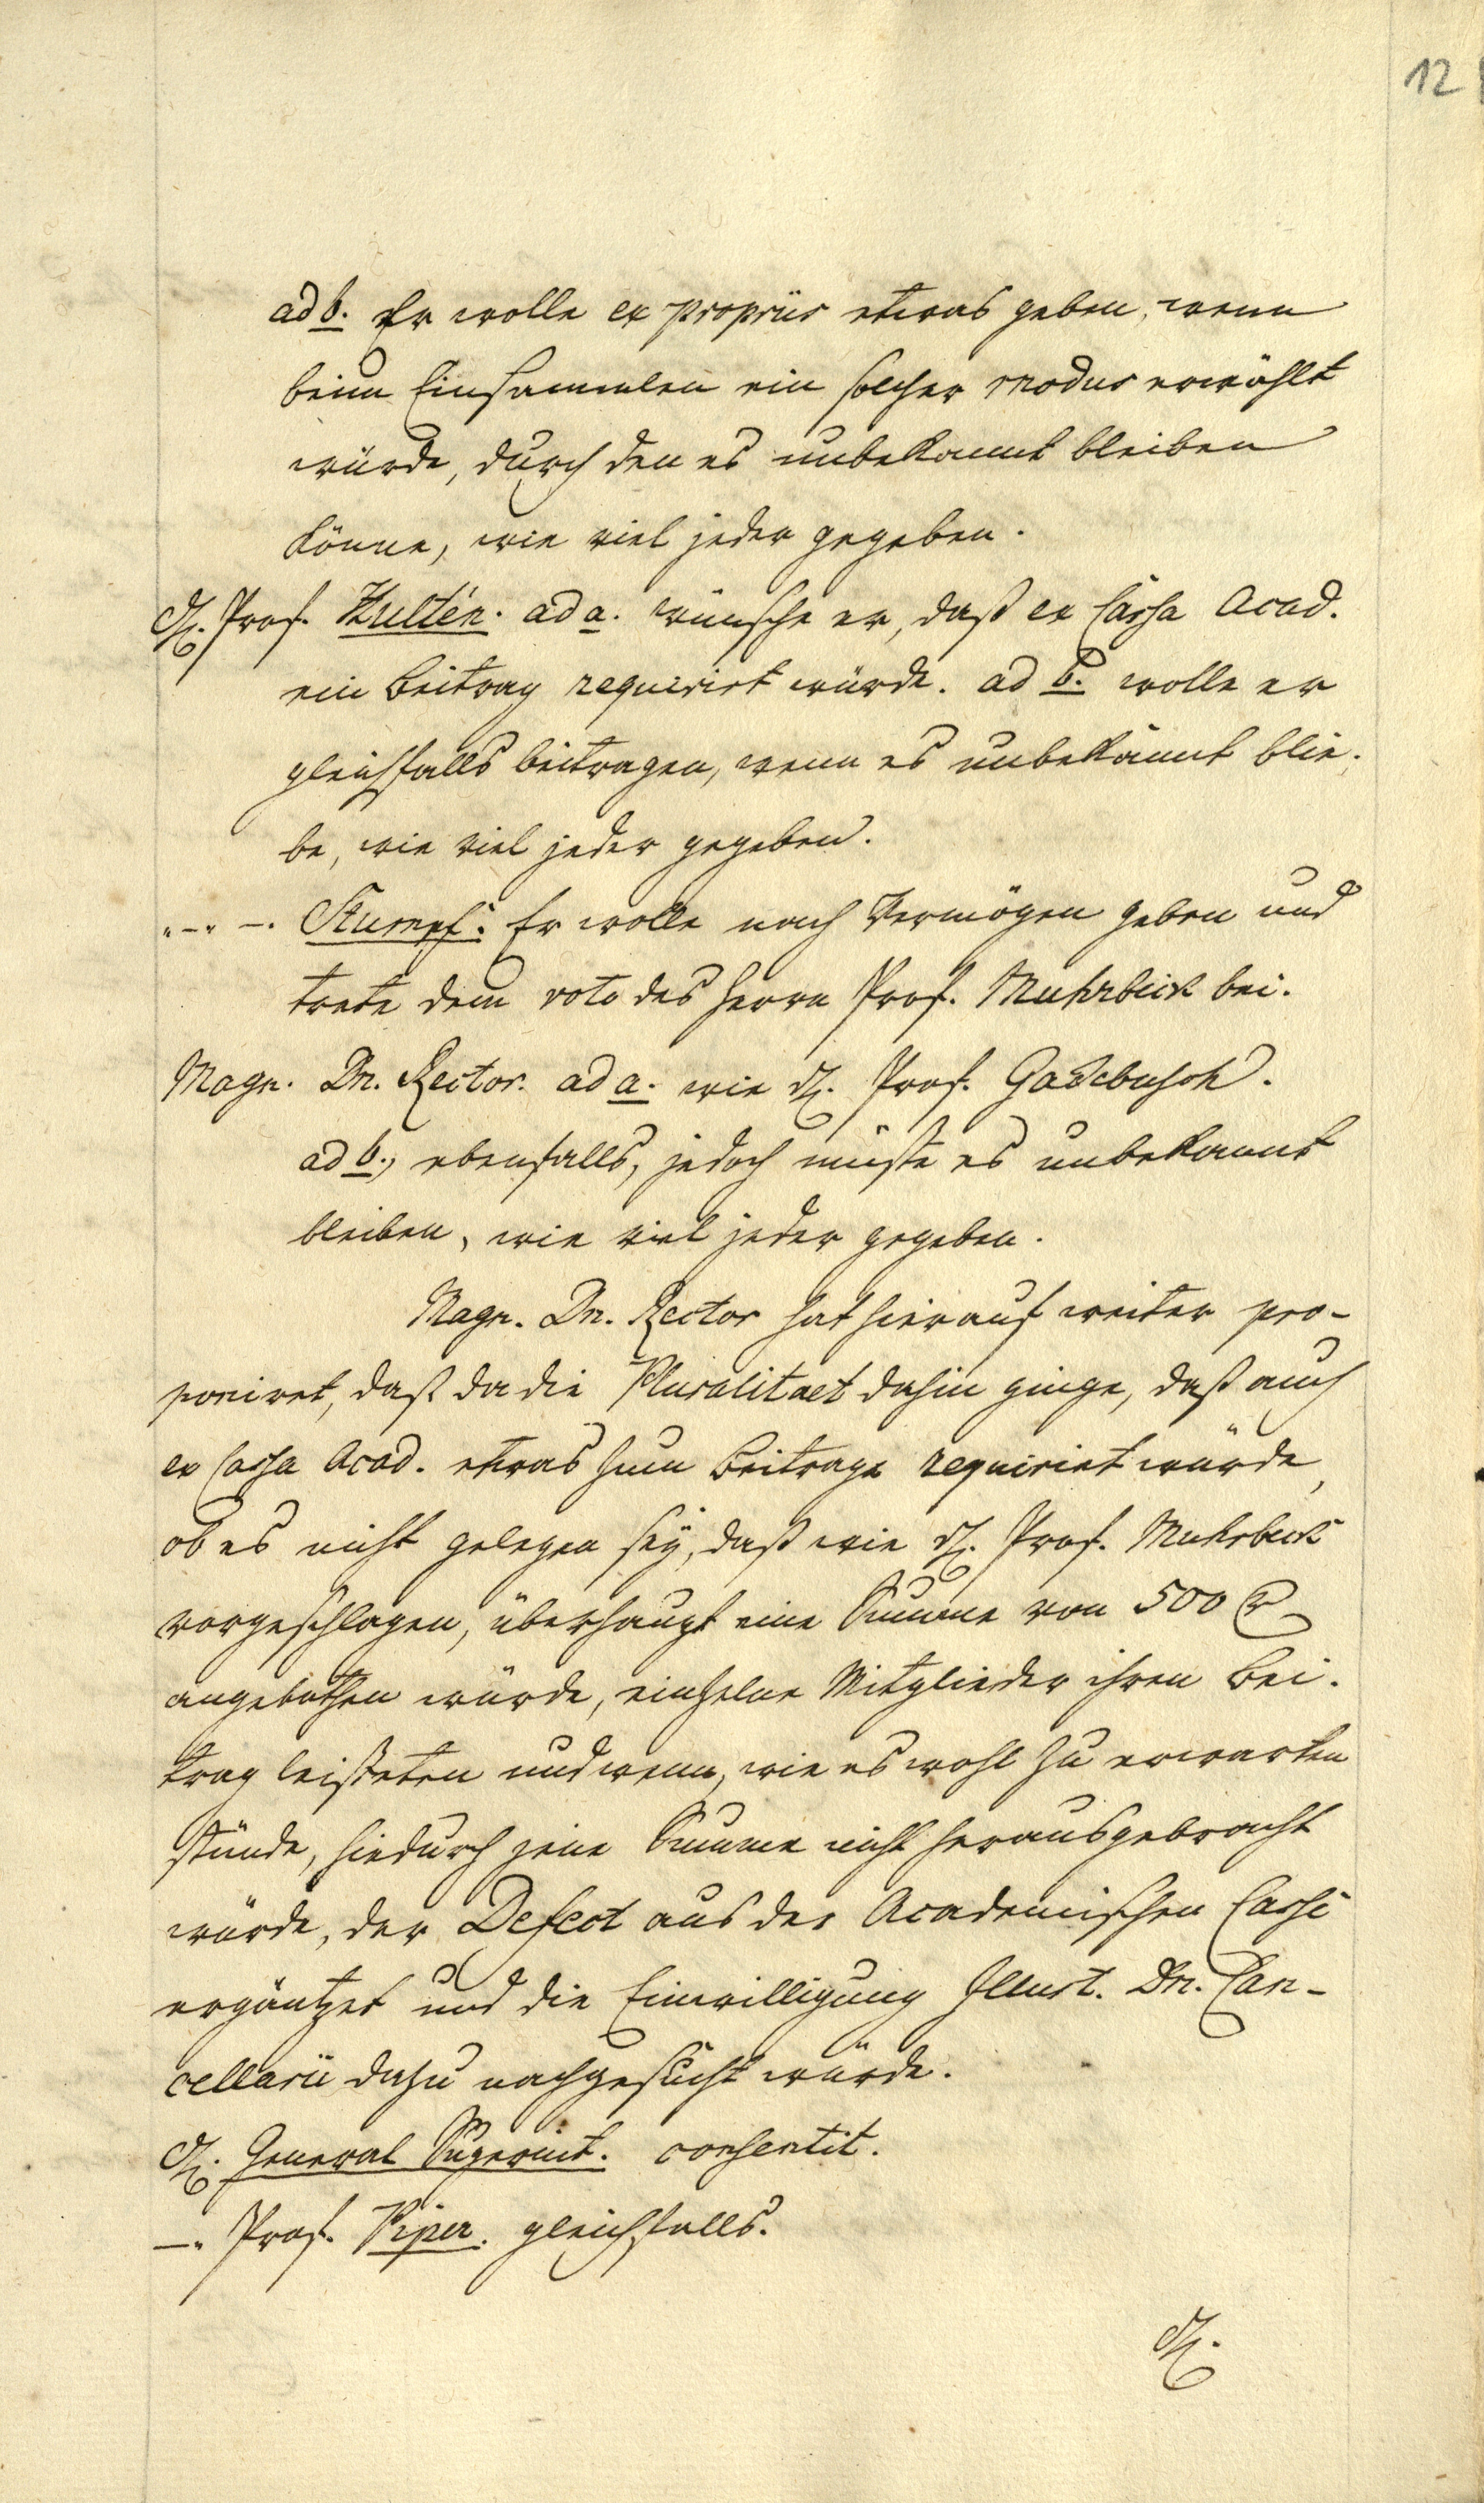ad b. Er wolle ex propriis etwas geben, wenn
beim Einsammeln ein solcher modus erwählt
würde, durch den es unbekannt bleiben
könne, wie viel jeder gegeben.
dh. Prof. Hultén. ad a. wünsche er, daß ex Cassa Acad.
ein Beitrag requirirt würde. ad b. wolle er
gleichfalls beitragen, wenn es unbekannt blie-
be, wie viel jeder gegeben.
" - " - . Stumpf: Er wolle nach Vermögen geben und
trete dem voto des herrn Prof. Muhrbeck bei.
Magn. Dn. Rector: ad a. wie dh. Prof. Gadebusch.
ad b., ebenfalls, jedoch müßte es unbekannt
bleiben, wie viel jeder gegeben.
Magn. Dn. Rector hat hierauf weiter pro-
poniret, daß da die Pluralitaet dahin ginge, daß auch
ex Cassa Acad. etwas zum Beitrage requirirt würde
ob es nicht gelegen sey, daß wie dh. Prof. Muhrbeck
vorgeschlagen, überhaupt eine Summe von 500 rtl
angebothen würde, einzelne Mitglieder ihren Bei-
trag leisteten und wenn, wie es wohl zu erwarten
stünde, hiedurch jene Summe nicht herausgebracht
würde, der Defect aus der Academsichen Casse
ergäntzet und die Einwilligung Illust. Dn. Can-
cellarii dazu nachgesucht würde.
dh. General Superint. consentit.
- " Prof. Piper. gleichfalls.